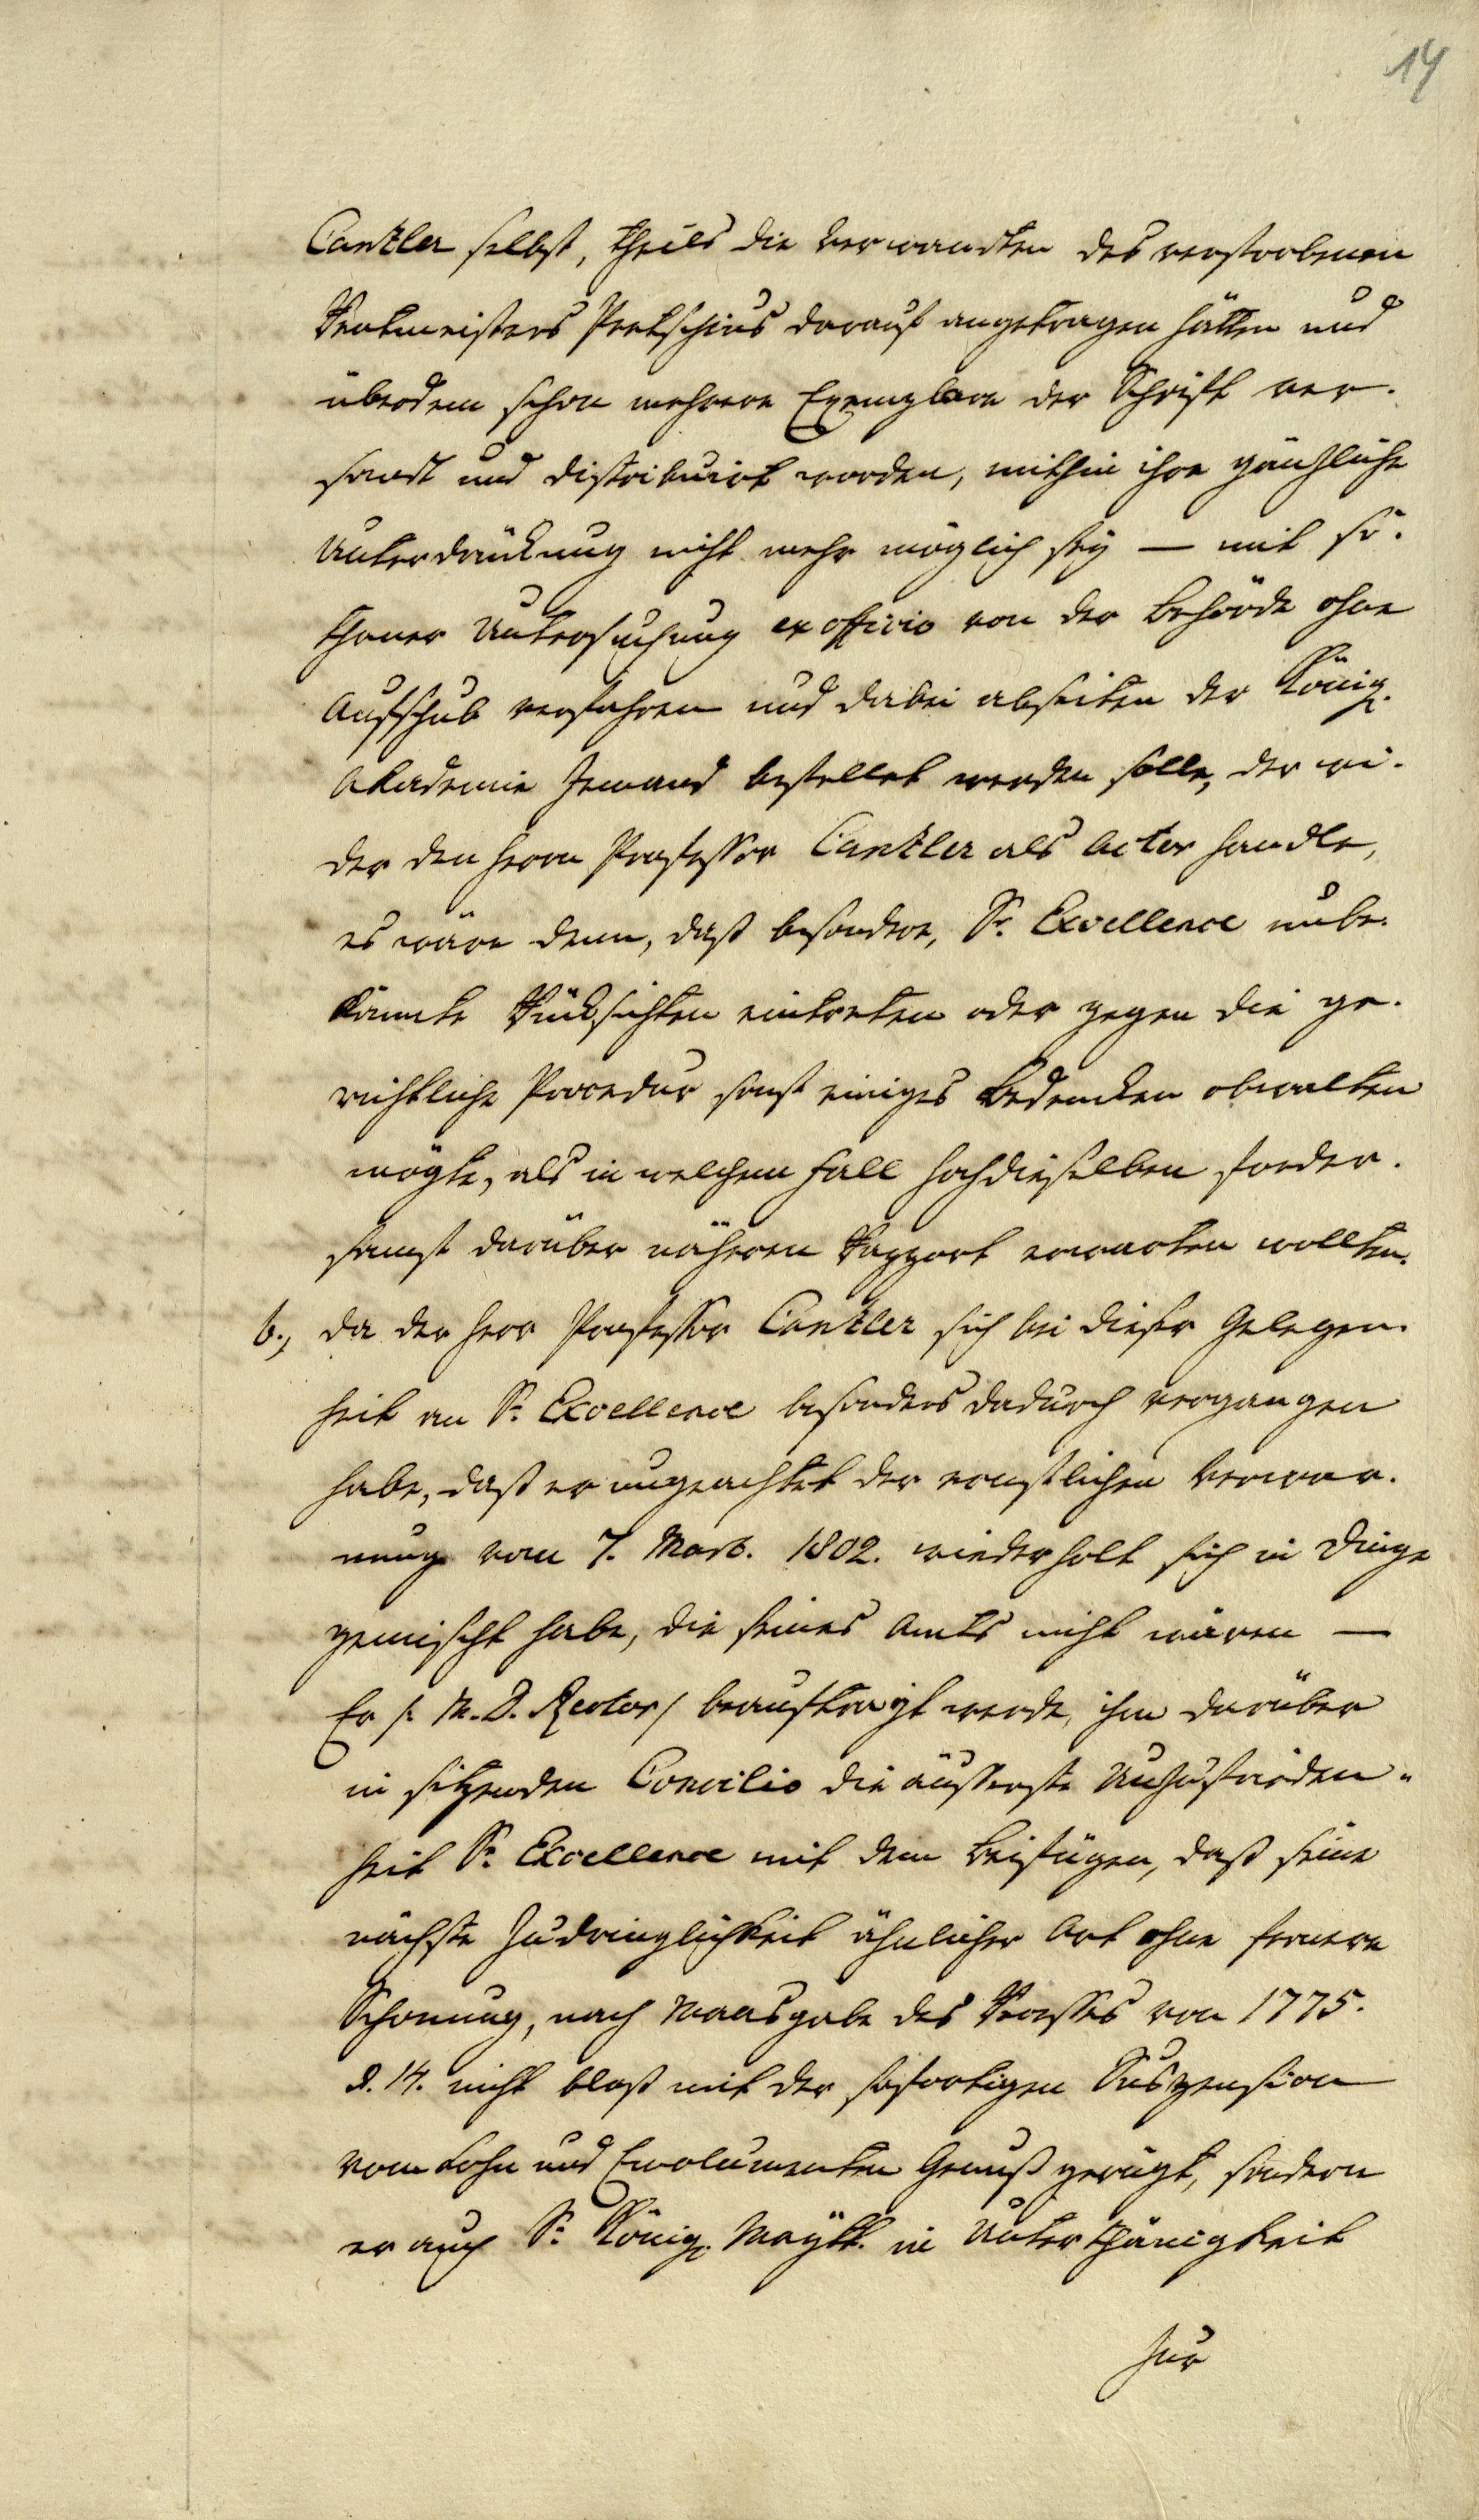Canzler selbst, theils die Verwandten des verstorbenen
Rentmeisters Peetschius darauf angetragen hätten und
überdem schon mehrere Exemplare der Schrift ver¬
sandt und distribuirt worden, mithin ihre gänzliche
Unterdrückung nicht mehr möglich seÿ mit so¬
thaner Untersuchung ex officio von der Behörde ohne
Aufschub verfahren und dabei abseiten der Königl.
Akademie Jemand bestellet werden solle, der wi¬
der den Herrn Professor Canzler als Actor handle,
es wäre denn, daß besondere, Sr Excellence unbe¬
kannte Rücksichten eintreten oder gegen die ge¬
richtliche Procedur sonst einiges Bedencken obwalten
mögte, als in welchem Fall hochdieselben forder¬
samst darüber näheren Rapport erwarten wollten.
b, da der Herr Professor Canzler sich bei dieser Gelegen¬
heit an Sr Excellence besonders dadurch vergangen
habe, daß er ungeachtet der ernstlichen Verwar¬
nung vom 7. Mart. 1802. wiederholt sich in Dinge
gemischt habe, die seines Amts nicht wären
Er /: M. D. Rector/ beauftragt werde, ihm darüber
in sitzenden Concilio die äusserste Unzufrieden¬
heit Sr. Excellence mit dem Beifügen, daß seine
nächste Zudringlichkeit ähnlicher Art ohne fernere
Schonung, nach Maasgabe des Recesses von 1775.
§. 14. nicht bloß mit der sofortigen Suspension
vom Lohn und Emolumenten Genuß gerügt, sondern
er auch Sr. Königl. Maÿtt. in Unterthänigkeit
zur